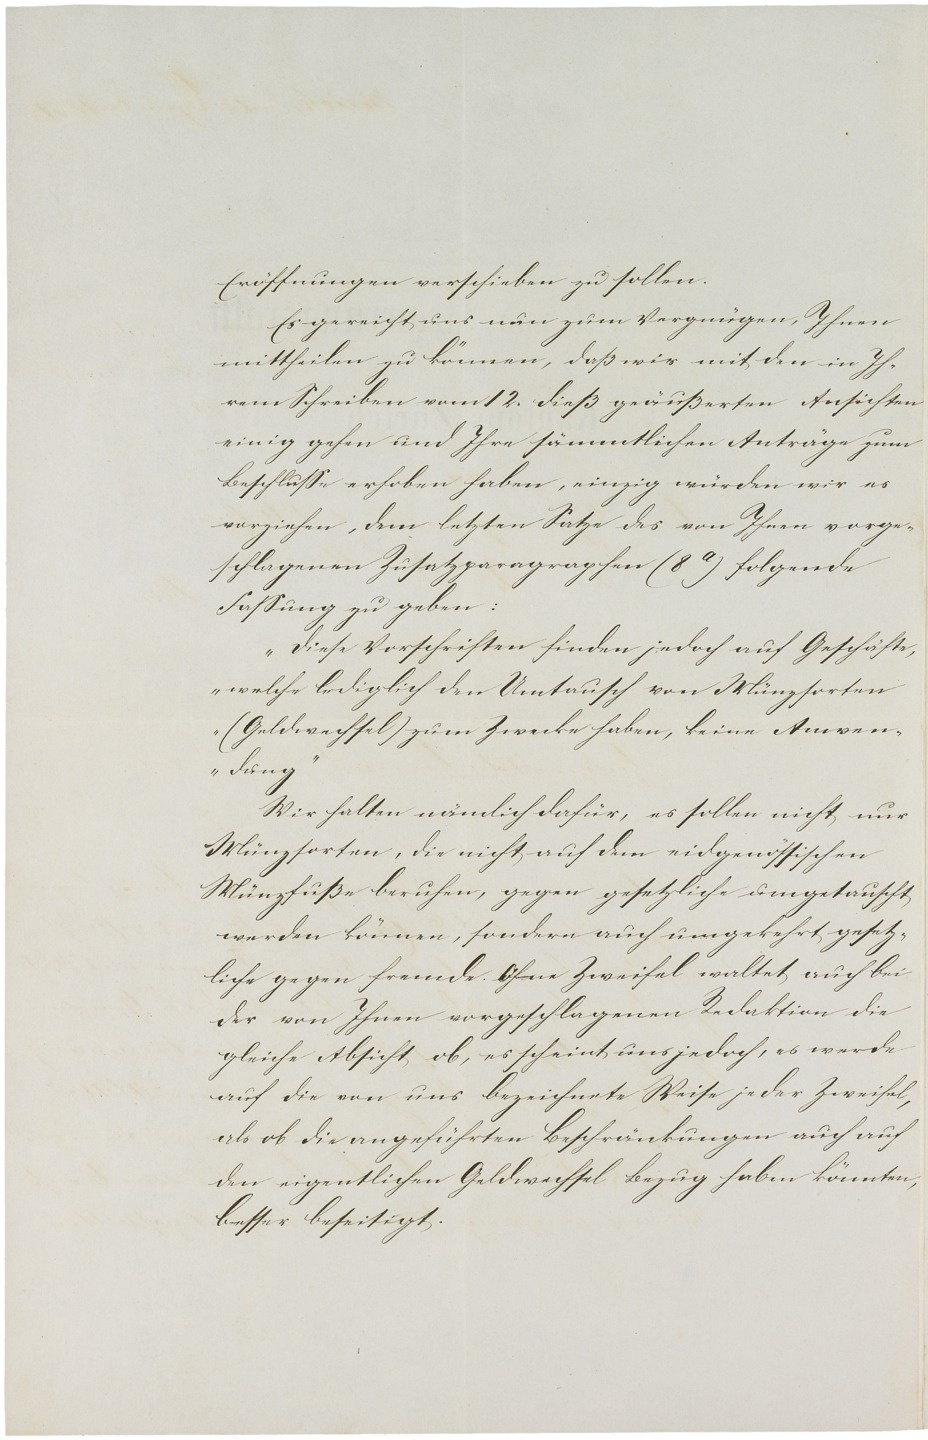Eröffnungen verschieben zu sollen.
Es gereicht uns nun zum Vergnügen, Ihnen
mittheilen zu können, daß wir mit den in Ih-
rem Schreiben vom 12. dieß geäußerten Ansichten
einig gehen und Ihre sämmtlichen Anträge zum
Beschlusse erhoben haben, einzig würden wir es
vorziehen, dem letzten Satze des von Ihnen vorge-
schlagenen Zusatzparagraphen (8a) folgende
Fassung zu geben:
«Diese Vorschriften finden jedoch auf Geschäfte,
welche lediglich den Umtausch von Münzsorten
(Geldwechsel) zum Zwecke haben, keine Anwen-
dung»
Wir halten nämlich dafür, es sollen nicht nur
Münzsorten, die nicht auf dem eidgenössischen
Münzfuße beruhen, gegen gesetzliche umgetauscht
werden können, sondern auch umgekehrt gesetz-
liche gegen fremde. Ohne Zweifel waltet auch bei
der von Ihnen vorgeschlagenen Redaktion die
gleiche Absicht ob, es scheint uns jedoch, es werde
auf die von uns bezeichnete Weise jeder Zweifel,
als ob die angeführten Beschränkungen auch auf
den eigentlichen Geldwechsel Bezug haben könnten,